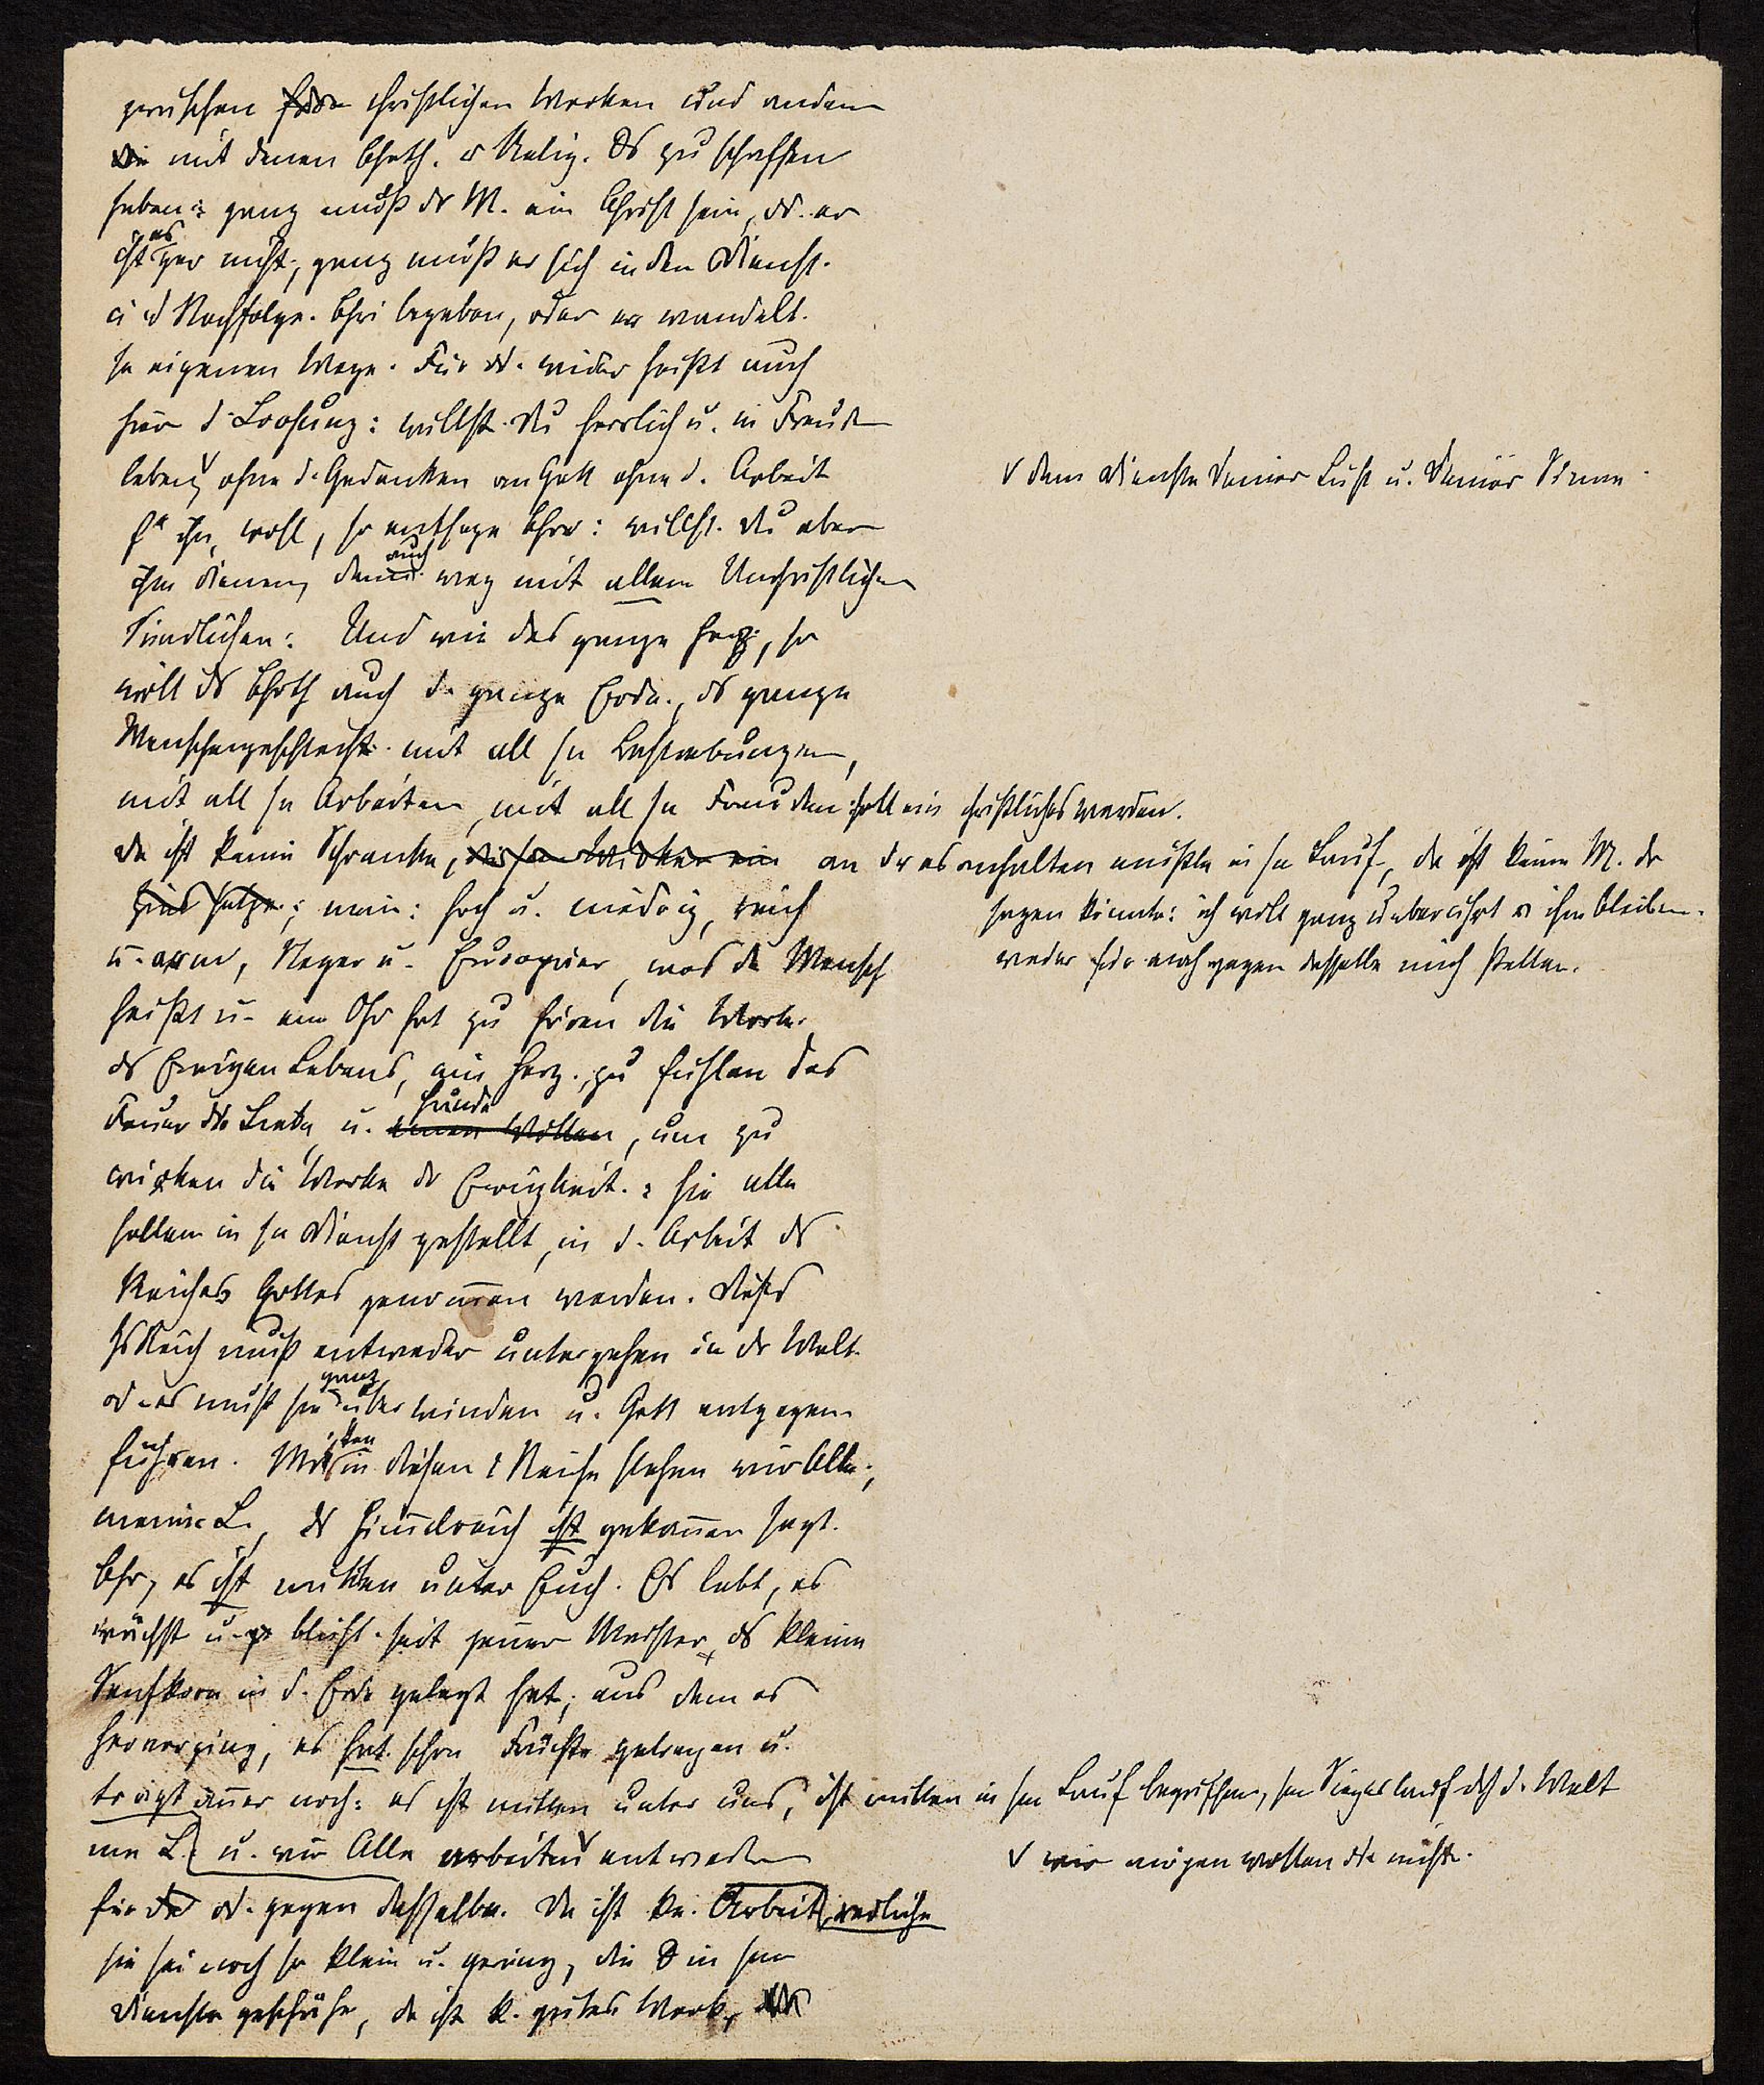zwischen from christlichen Werken und andern
die mit denen Chrth. u. Relig. os zu schaffen
haben: ganz muß dr M. ein Christ sein, od. er
ist gar nicht; ganz muß er sich in den Dienst
u. d. Nachfolg. Chri. begebn, oder er wandelt
sn eigenen Wege. Für od. wider heißt auch
hier d. Loosung: Willst du herrlich u in Freude
leben, ohne d. Gedanken an Gott ohne d. Arbeit
V dem Dienste deiner Lust u. deiner Sinne
fü ih, voll, so entsage Chri: Willst du aber
auch
ihm dienen, dan weg mit allem Unchristlichen
sündlichen: Und wie das ganze Herz, so
will ds Chrth auch d. ganze Erde, ds ganze
Menschengeschlecht mit all sn Bestrebungen,
mit all sn Arbeiten, mit all sn Freuden soll ein christliches werden.
da ist keine Schranke, die snm Wirken ein an dr es anhalten müßte in sm Lauf, da ist kein M dr
Ziel setze; nein: hoch u. niedrig, reich
sagen könnte: ich will ganz unberührt v. ihm bleiben.
u arm, Neger u. Europäer, was da Mensch
weder für noch gegen dasselbe mich stellen.
heißt u. ein Ohr hat zu hören die Worte
des Ewigen Lebens, ein Herz zu fühlen das
Hände
Feuer der Liebe, u einen Willen, um zu
wirken die Worte dr Ewigkeit: sie alle
sollen in sn Dienst gestellt, in d. Arbeit ds
Reiches Gottes genomen werden.
Gs Reich muß entweder untergehen in dr Welt
ganz
od. es muß sie überwinden u. Gott entgegen¬
ten
führen. Mit in diesem 1 Reiche stehen wir Alle;
meine L., ds Himelreich ist gekomen sagt
Chr, es ist mitten unter Euch. Es lebt, es
wächst u. blüht seit jener Meister ds kleine
Senfkorn in d. Erde gelegt hat, aus dem es
hervorging, es hat schon Früchte getragen u.
trägt imer noch: es ist mitten unter uns, ist mitten in sm Lauf begriffen, sm Siegerlauf dch d. Welt
mn L. u. wir Alle arbeitn entweder
V wir mögen wollen od. nicht
für die od. gegen dasselbe. Da ist kn. Arbeit redliche
sie sei noch so klein u. gering, die o in snm
Dienste geschähe, da ist k. gutes Werk, ds